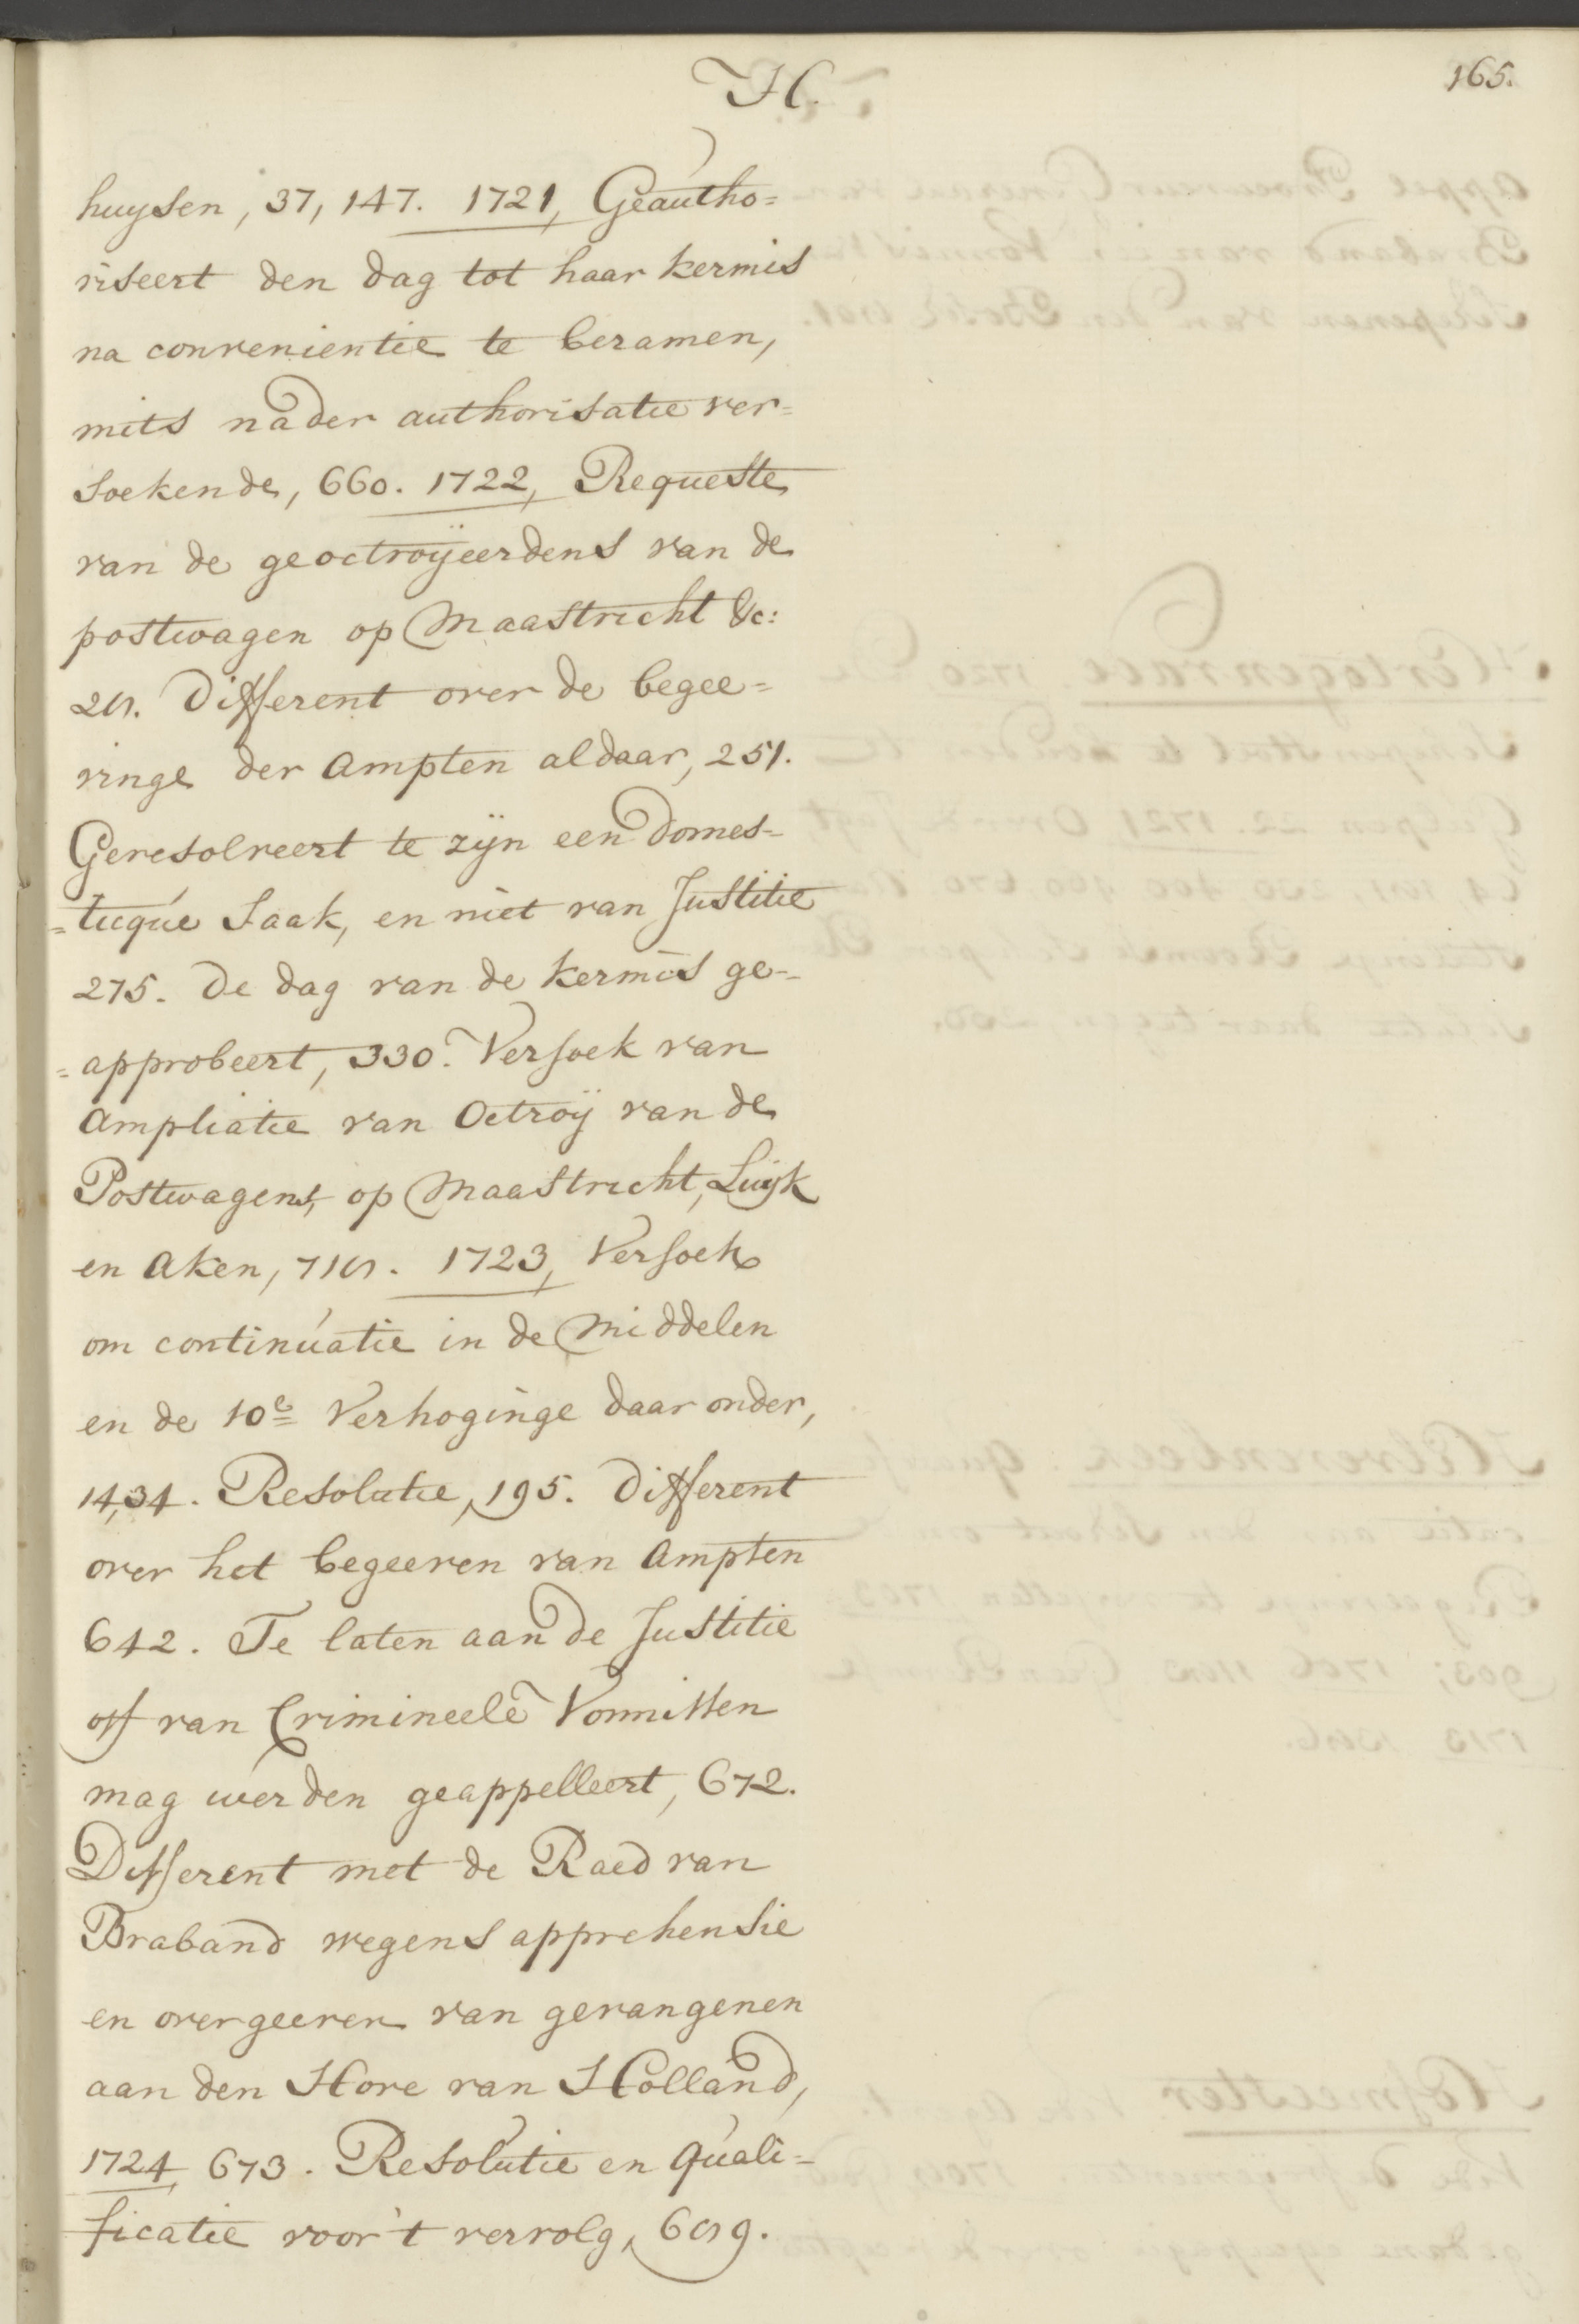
165.
H.
huysen, 37, 147. 1721, Geautho=
riseert den dag tot haar kermis
na convenientie te beramen,
mits nader authorisatie ver=
soekende, 660. 1722, Requeste
van de geoctroijeerdens van de
postwagen op Maastricht &c:
28. Different over de begee=
vinge der Ampten aldaar, 251.
Geresolveert te zijn een domes=
„ticque saak, en niet van Justitie
275. de dag van de kermis ge„
„approbeert, 330. Versoek van
ampliatie van Octroij van de
Postwagens op Maastricht, Luijk
en Aken, 718. 1723, Versoek
om continuatie in de middelen
en de 10e Verhoginge daar onder,
1434. Resolutie, 195. Different
over het begeeven van Ampten
642. Te laten aan de Justitie
off van Crimineele Vonnissen
mag werden geappelleert 672.
Different met de Raed van
Braband, wegens apprehensie
en overgeeven van gevangenen
aan den Hove van Holland,
1724, 673. Resolutie en Quali=
ficatie voor 't vervolg, 689.
